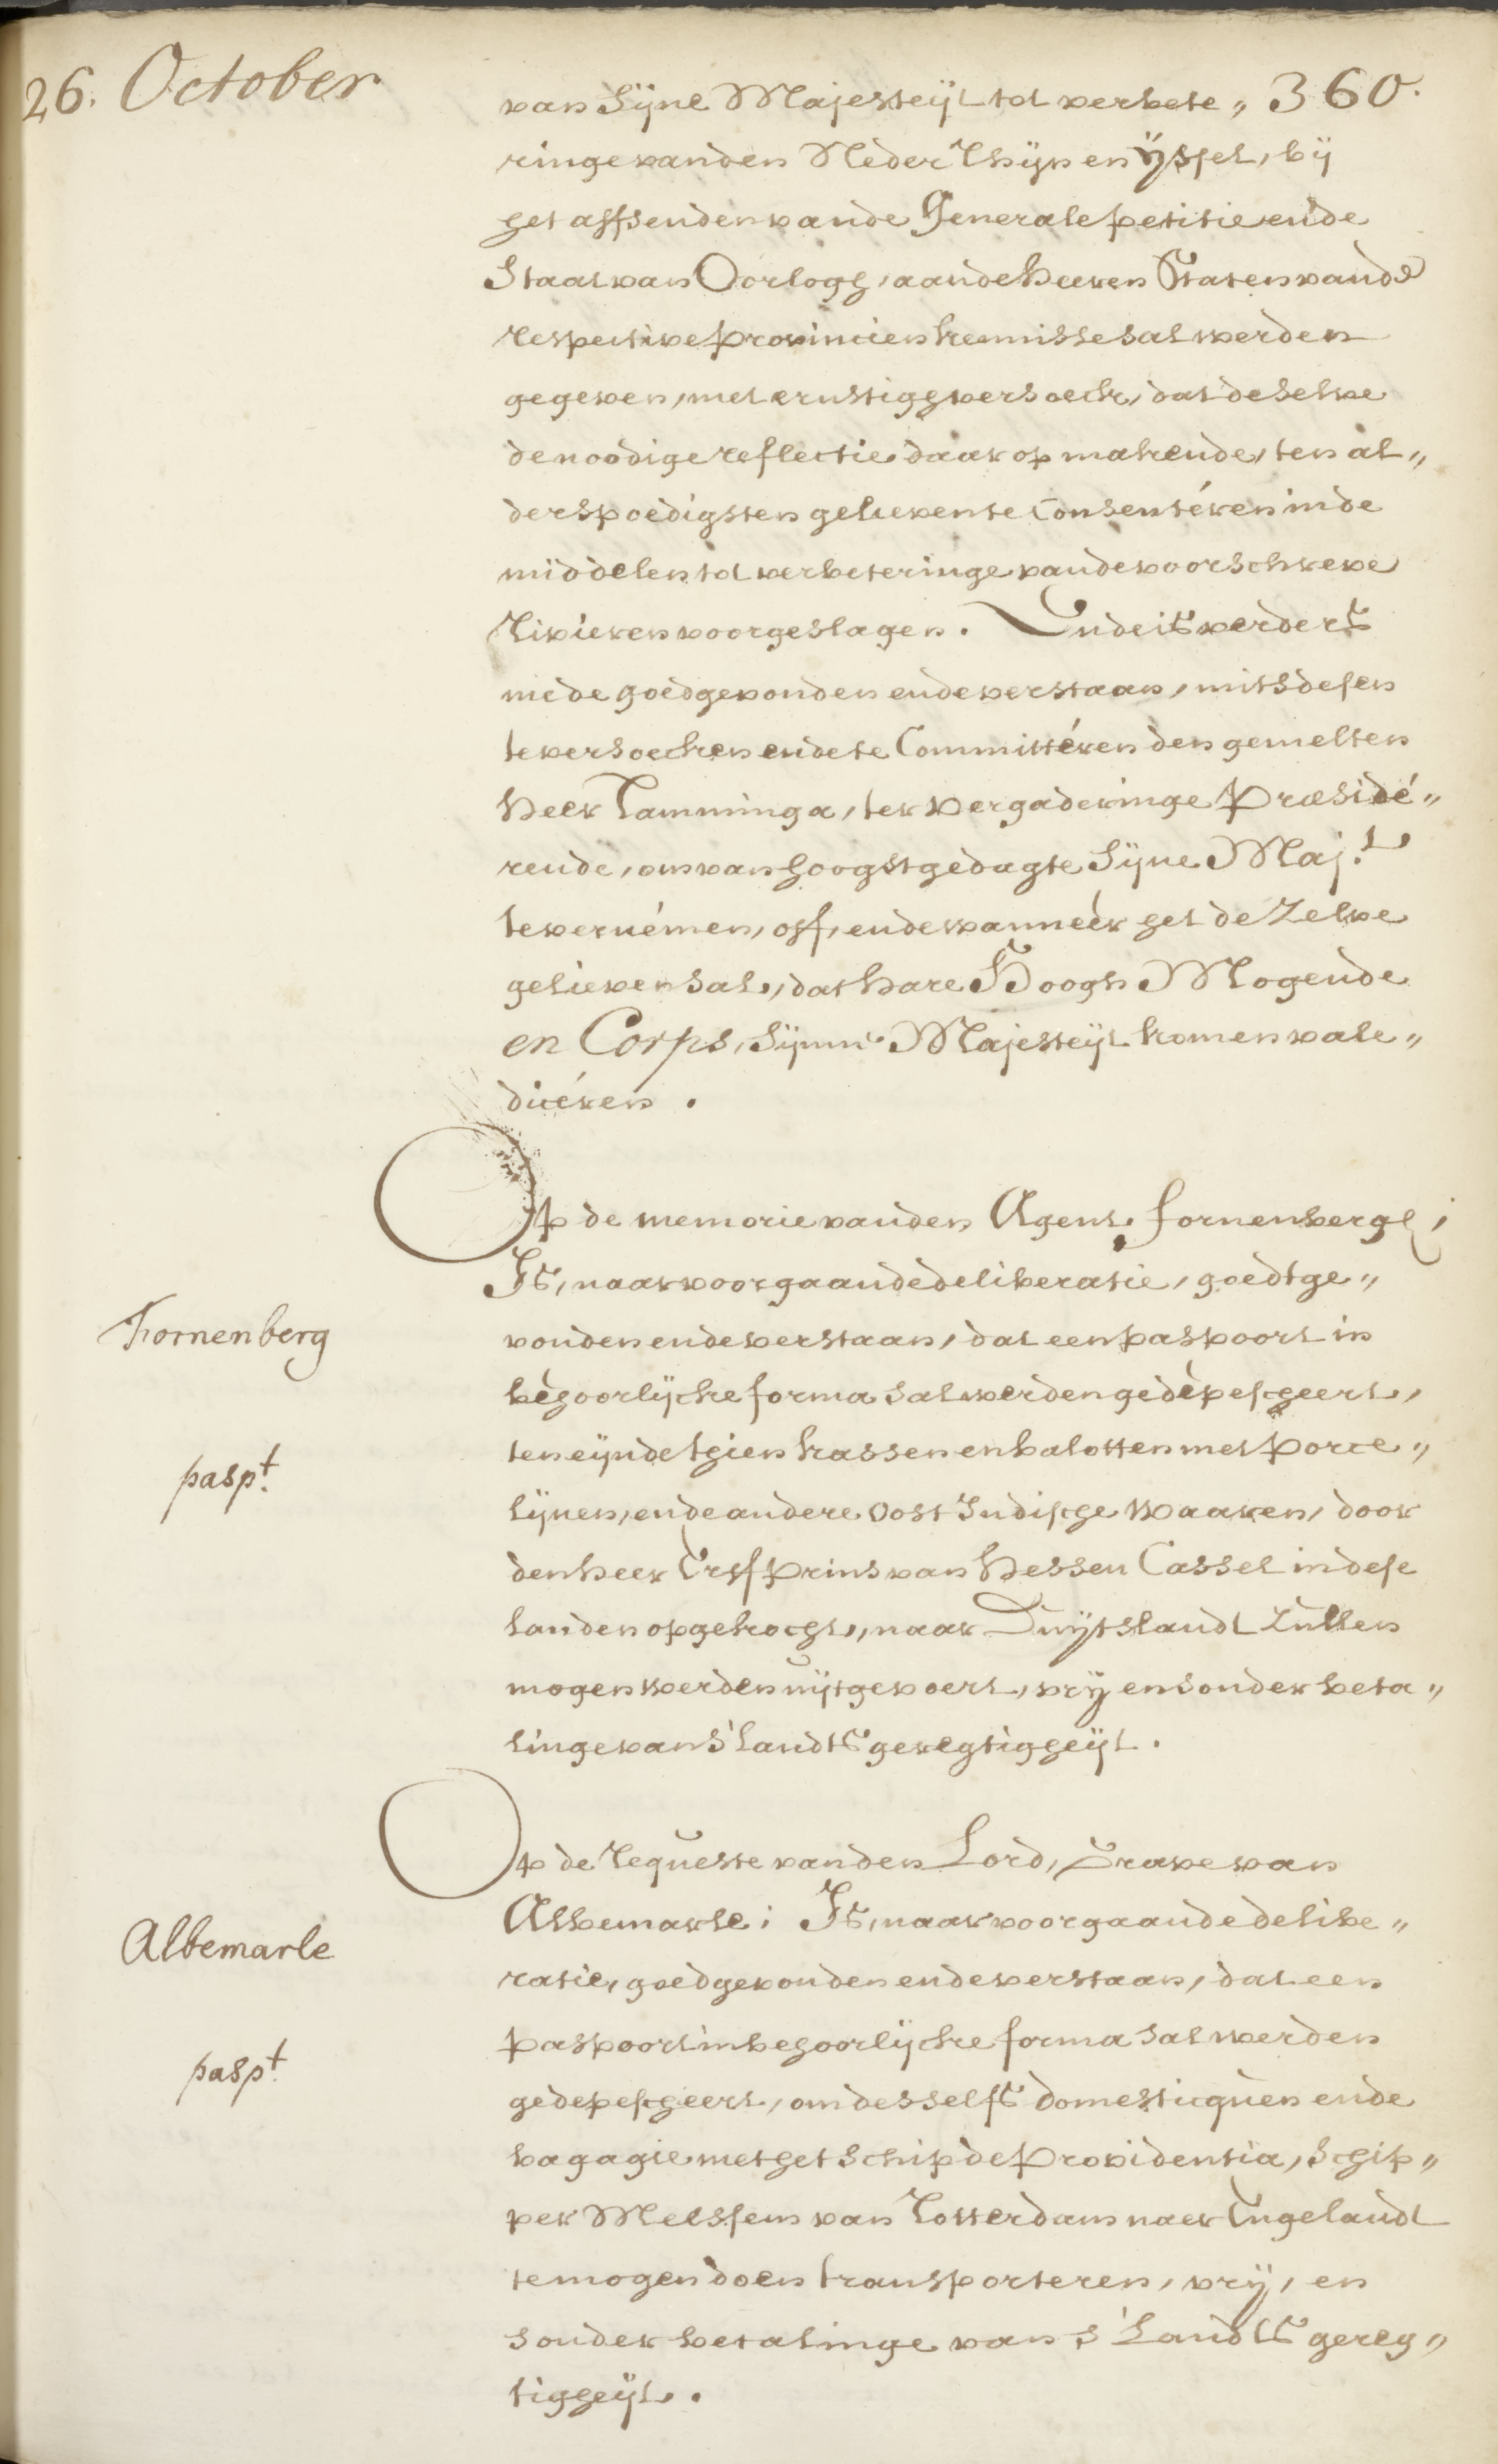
360
26 october
van Sijne Majesteijt tot verbete„
ringe vanden Neder Rhijn en IJssel, bij
het affsenden vande Generale petitie ende
Staat van Oorlogh, aan de heeren Staten vande
respective provincien kennisse sal werden
gegeven, met ernstigh versoek dat de selve
de noodige reflectie daar op makende ten al„
derspoedigsten gelieven te consenteren in de
middelen tot verbeteringe vande voorschreve
rivieren voorgeslagen. Ende is verders
mede goedgevonden ende verstaan, mits desen
te versoecken ende te committeren den gemelten
heer Tamminga, ter vergaderinge preside„
rende, om van hoogstgedagte Sijne Majt
te vernemen, off ende wanneer het de zelve
gelieven sal, dat hare Hoogh Mogende
en corps Sijne Majesteijt komen vale„
diceren.
Fornenberg
paspt
Op de memorie vanden Agent Fornenbergh
Is naar voorgaande deliberatie, goedtge„
vonden ende verstaan, dat een paspoort in
behoorlijcke forma sal werden gedepescheert
teneijnde thien kassen en balotten met porce„
lijnen ende andere oost indische waaren, door
den heer Erffprins van Hessen Cassel in dese
landen opgekocht, naar Duijtslandt zullen
mogen werden uijtgevoert, vrij en sonder beta„
linge van s'landts geregtigheijt.
Albemarle
paspt
Op de requeste vanden Lord, Grave van
Albemarle; Is naar voorgaande delibe„
ratie, goedgevonden en verstaan, dat een
paspoort in behoorlijcke forma sal werden
gedepescheert om desselfs domesticquen ende
bagagie met het schip de Providentia, schip„
per Melssem van Rotterdam naar Engelandt
te mogen doen transporteren, vrij en
sonder betalinge, van s'Landts gereg„
tigheijt.
